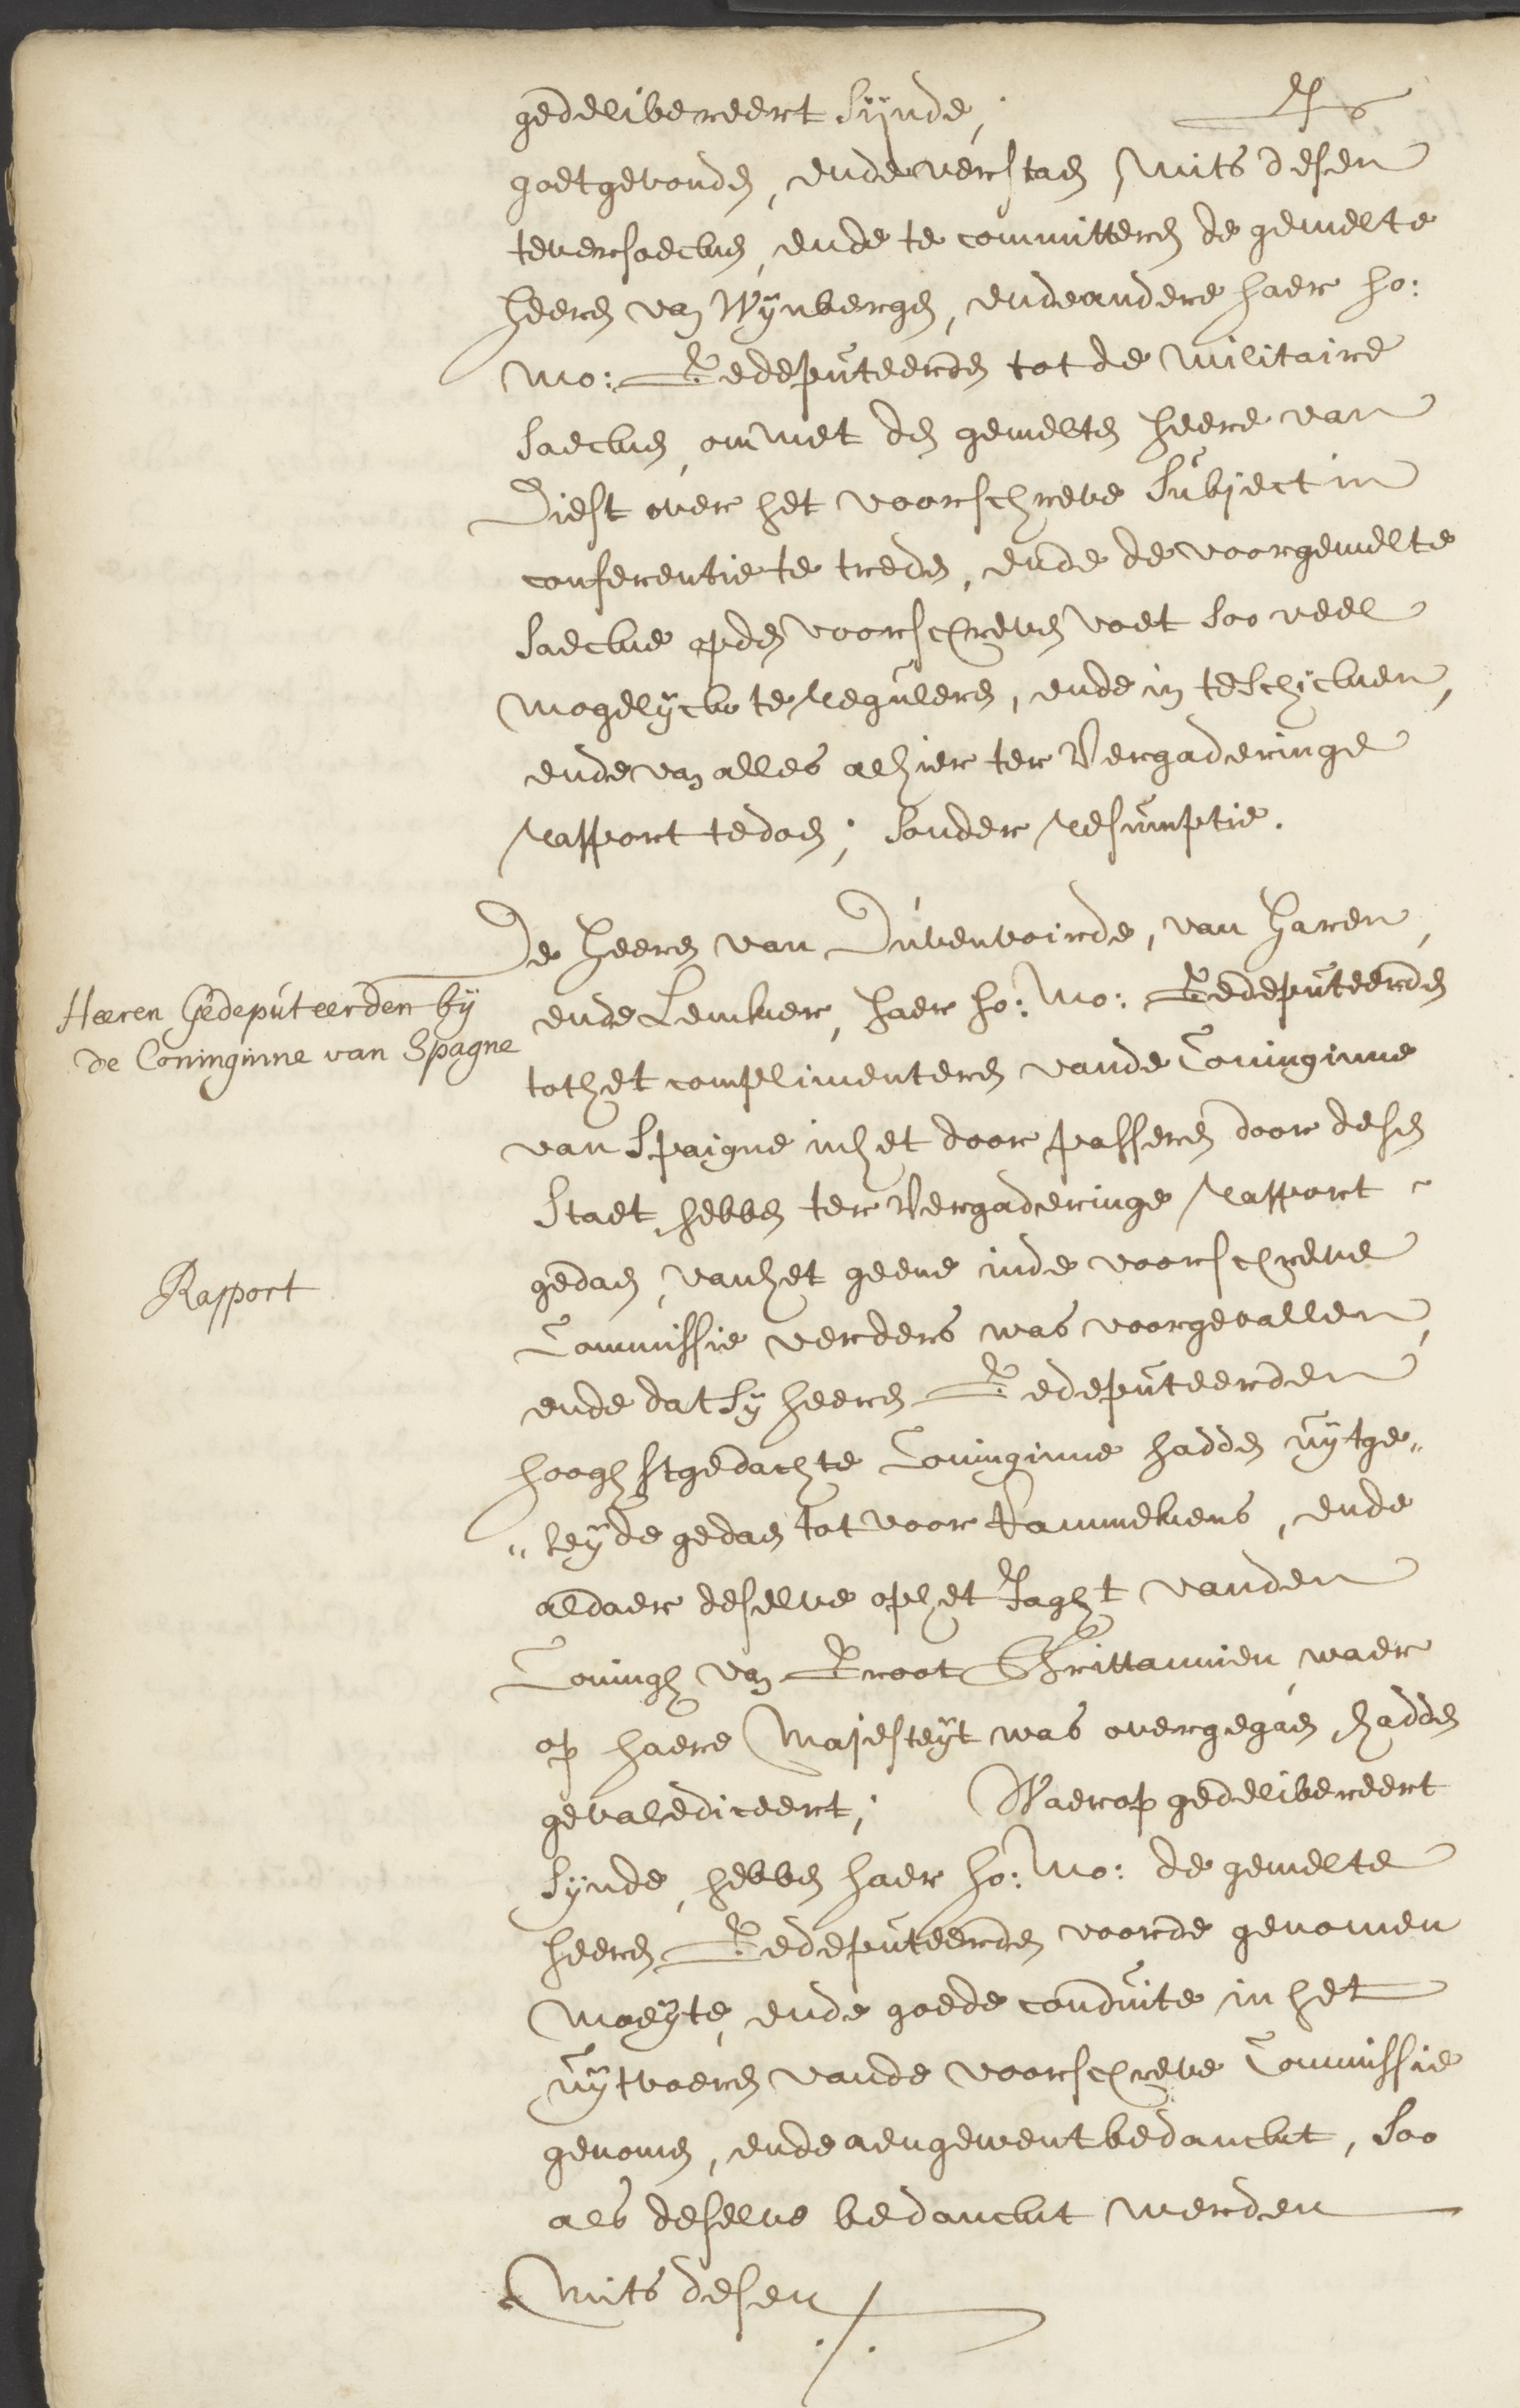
gedelibereert sijnde: Is
goetgevonden ende verstaen mits desen
te versoecken ende te committeren de gemelte
heeren van Wijnbergen, ende andere haer Ho:
Mo: Gedeputeerden tot de militaire
saecken om met den gemelten heere van
Diest over het voorschreve subject in
conferentie te treden, ende de voorgemelte
saecke opden voorschreven voet soo veel
mogelijck te reguleren, ende in te schicken,
ende van alles alhier ter Vergaderinge
rapport te doen; sonder resumptie.
Heeren Gedeputeerden bij
de Coninginne van Spagne
Rapport
De heeren van Duvenvoirde, van Haren
ende Lemker, haer Ho:Mo: Gedeputeerden
tot het complimenteren vande Coninginne
van Spaigne inhet door passeren door desen
Staet, hebben ter Vergaderinge rapport
gedaen van het geene inde voorschreve
Commissie verders was voorgevallen
ende dat sij heeren Gedeputeerden
hooghstgedachte Coninginne hadden uijtge„
,,leyde gedaen tot voor Rammekens, ende
aldaer deselve ophet Jaght vanden
Coningh van Groot Brittannien waer
op haere Majesteijt was overgegaen hadden
gevalediceert: Waerop gedelibereert
sijnde, hebben haer Ho:Mo: de gemelte
heeren Gedeputeerden voorde genomen
Moeijte ende goede conduite in het
uijvoeren vande voorschreve Commissie
genomen, ende aengewent bedanckt, soo
als deselve bedanckt werden
mits desen.
